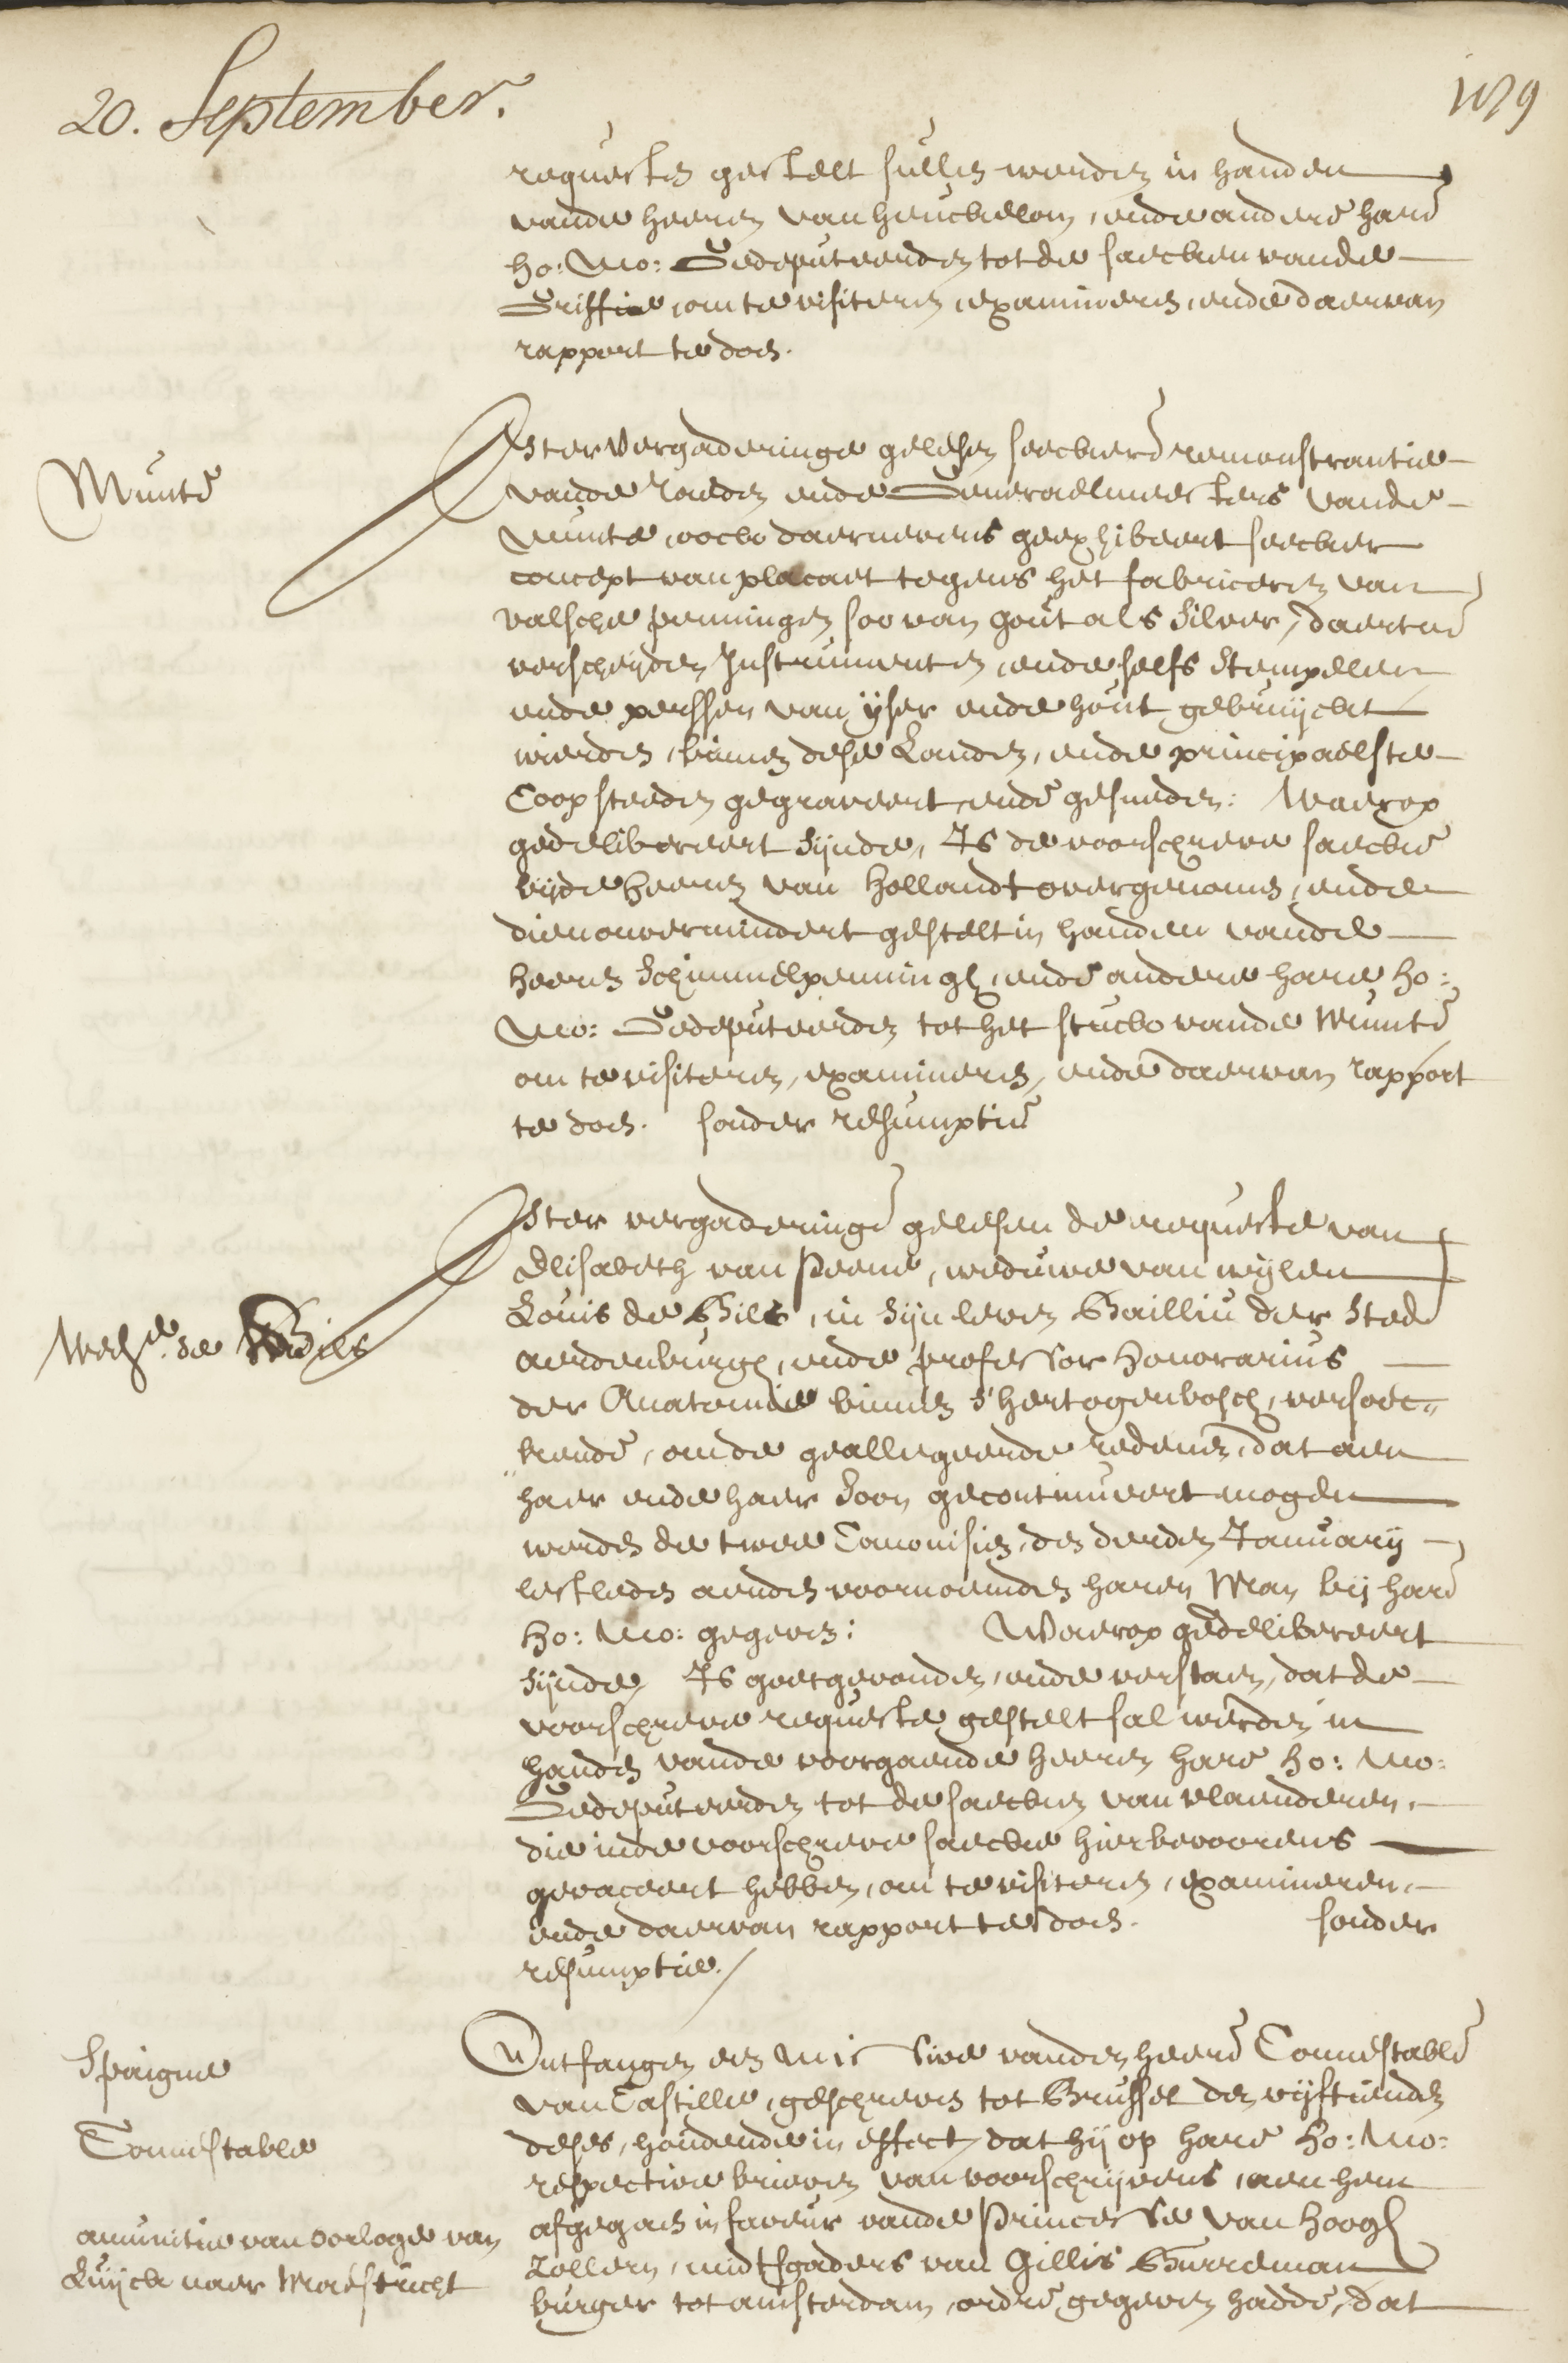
189
20. September.
requesten gestelt sullen werden in handen
vande heeren van heuckelom, ende andere hare
ho:mo: Gedeputeerden tot de saecken vande
Griffie, om te visiteren, examineren, ende daervan
rapport te doen.
Munte
Is ter vergaderinge gelesen seeckere remonstrantie
vande Raeden ende Generaelmeesters vande
munte, oock daernevens geexhibeert seecker
concept van placaet tegens het fabriceren van
valsche penningen soo van gout als silver, daertoe
verscheijden Instrumenten, ende selfs stempelen
ende perssen van ijser ende hout gebruijckt
werden, binnen dese Landen, ende principaelste
Coopsteeden gegraveert ende gesneden: Waerop
gedelibereert sijnde, Is de voorschreve saecke
bijde heeren van hollandt overgenomen, ende
dienonvermindert gestelt in handen vande
heeren Schimmelpenningh, ende andere haere ho:
mo: Gedeputeerden tot het stuck vande Munte
om te visiteren, examineren, ende daervan rapport
te doen. sonder resumptie
Wede. de Bils
Is ter vergaderinge gelesen de requeste van
Elisabeth van Peene, weduwe van wijlen
Louis de Bils, in sijn leven Bailliu der stede
aerdenburgh, ende professor honorarius
der Anatomie binnen s'hertogenbosch, versoec„
„kende, om de geallegeerde redenen, dat aen
haer ende haer soon gecontinueert mogen
werden de twee Canonisien, den derden Januarij -,
lestleden aenden voornoemden haren Man bij hare
ho:mo: gegeven: Waerop gedelibereert
sijnde, Is goetgevonden, ende verstaen, dat de
voorschreve requeste gestelt sal werden in
handen vande voorgaende heeren hare ho:mo:
Gedeputeerden tot de saecken van Vlaenderen,
die inde voorschreve saecke hier bevoorens
gevaceert hebben, om te visiteren, examineren,
ende daervan rapport te doen. sonder
resumptie.
Spaigne
Connestable
amunitie van oorloge van
Luijck naer Maestricht
Ontfangen een missive vanden heere Connestable
van Castille, geschreven tot Brussel den vijftienden
deses, houdende in effect, dat hij op hare ho:mo:
respective brieven van voorschrijvens, aen hem
afgegaen in faveur vande Princesse van hoogh
zollern, midtsgaders van Gillis Burreman
burger tot amsterdam, ordre gegeven hadde, dat
